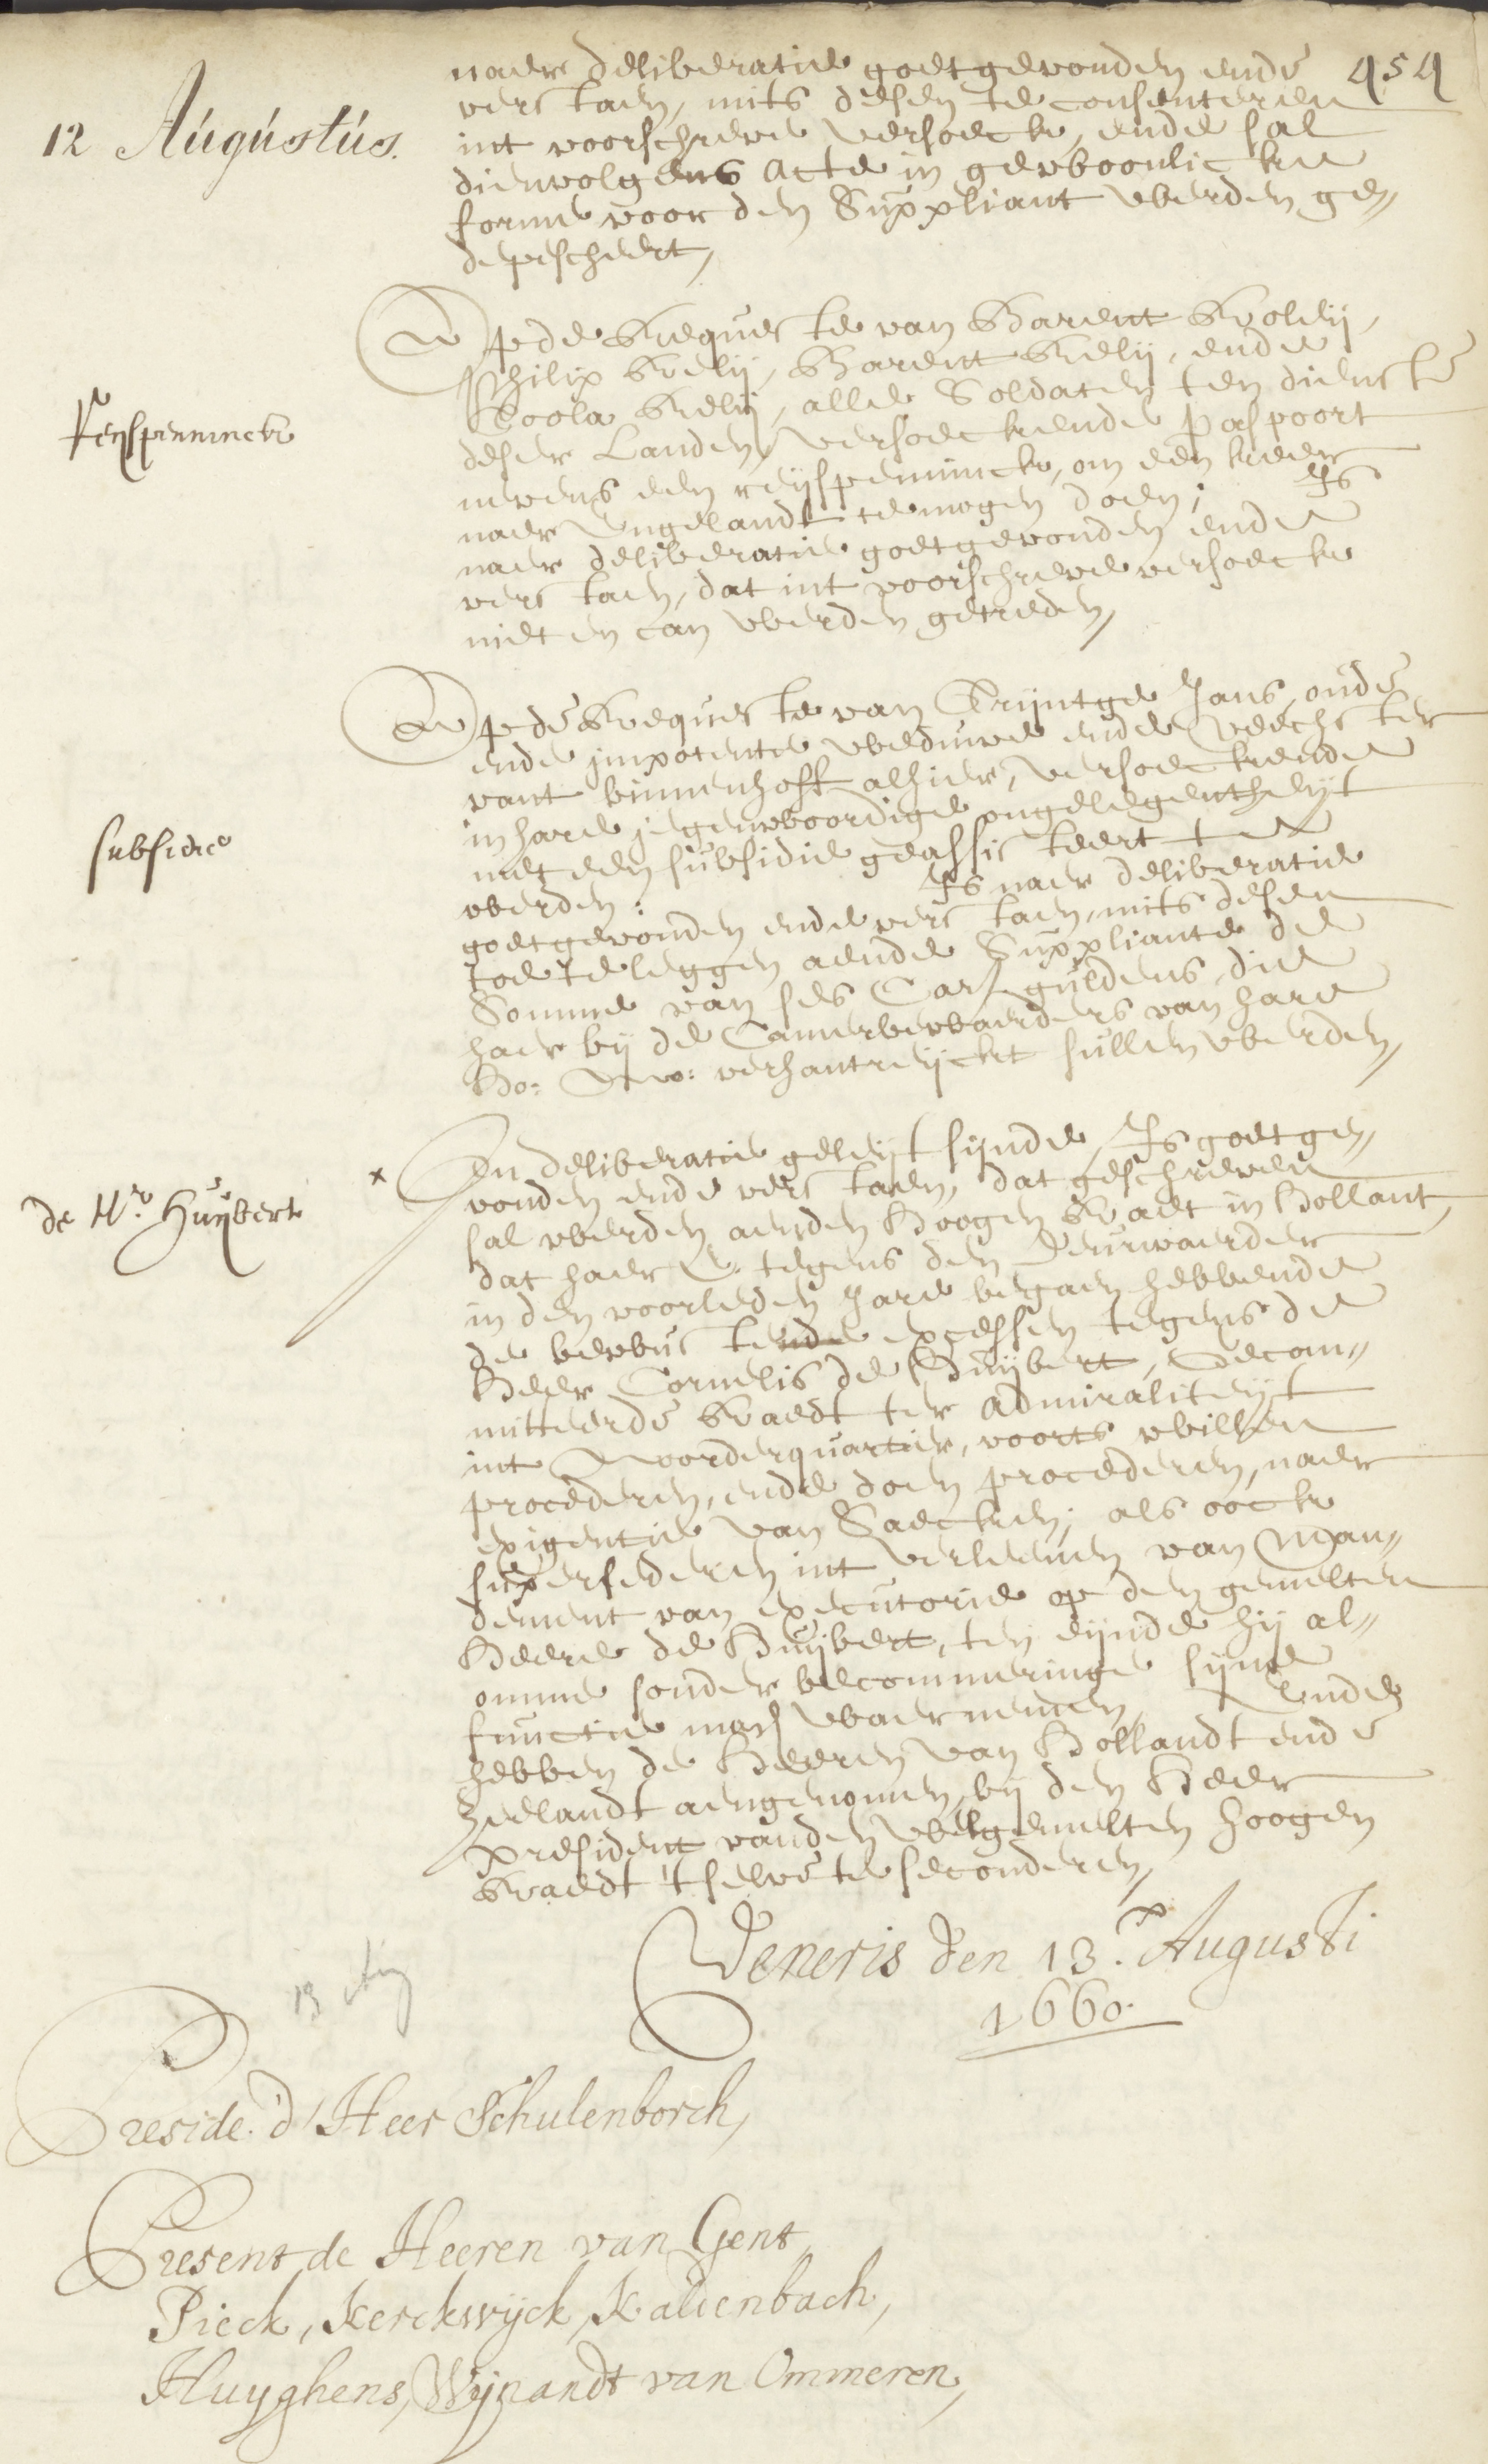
454
12 Augustus
naer deliberatie goetgevonden ende
verstaen, mits desen te consenteren
int voorschreve versoeck ende sal
dienvolgens acte in gewoonlicke
forme voor den Suppliant werden ge,,
depescheert.
Reyspenninck
Opde requeste van Barent Roleij,
Philip Relij, Barent Relij, ende
Toola Relij, alle soldaten ten dienste
deser Landen, versoeckende paspoort
nevens een reijspenninck, om een keer
naer Engelandt te mogen doen: Is
naer deliberatie goetgevonden ende
verstaen, dat int voorschreve versoecke
niet en can werden getreden
subsidie
Opde Requeste van Trijntge Jans oude
ende impotente weduwe ende Veechster
vant binnenhoff alhier, versoeckende
in hare jegenwoordige ongelegentheijt
met een subsidie geassisteert te
werden: Is naer deliberatie
goetgevonden ende verstaen, mits desen
toe te leggen aende Suppliante de
somme van ses Cars guldens, die
haer bij de Camerbewaerders van hare
ho:Mo: verhantreijckt sullen werden.
de Hr. Huijbert
In deliberatie geleijt sijnde, is goetge,,
vonden ende verstaen, dat geschreven
sal werden aenden Hoogen Raet in Hollant
dat haer E. tegens den deurwaerder
in den voorleden jare begaen hebbende
de bewustende excessen tegens de
Heer Cornelis de Huijbert, Gecom„
mitteerde Raedt ter Admiraliteijt
int Noorderquartier, voorts willen
procederen, ende doen procederen, naer
exigentie van Saecken; als oock
supersederen int verleenen van man,,
dement van executorie op den gemelten
Heere de Huijbert, ten eijnde hij al„
omme sonder becommeringe sijne
functie mach waernemen ende
hebben de Heeren van Hollandt ende
Zeelandt aengenomen bij den Heer
President vanden welgemelten Hoogen
Raedt 't selve te seconderen
13 Aug
Veneris den 13en. Augusti
1660
Preside d'Heer Schulenborch,
Present de Heeren van Gent
Pieck, Kerckwijck, Kaldenbach
Huyghens, Wijnandt van Ommeren,
